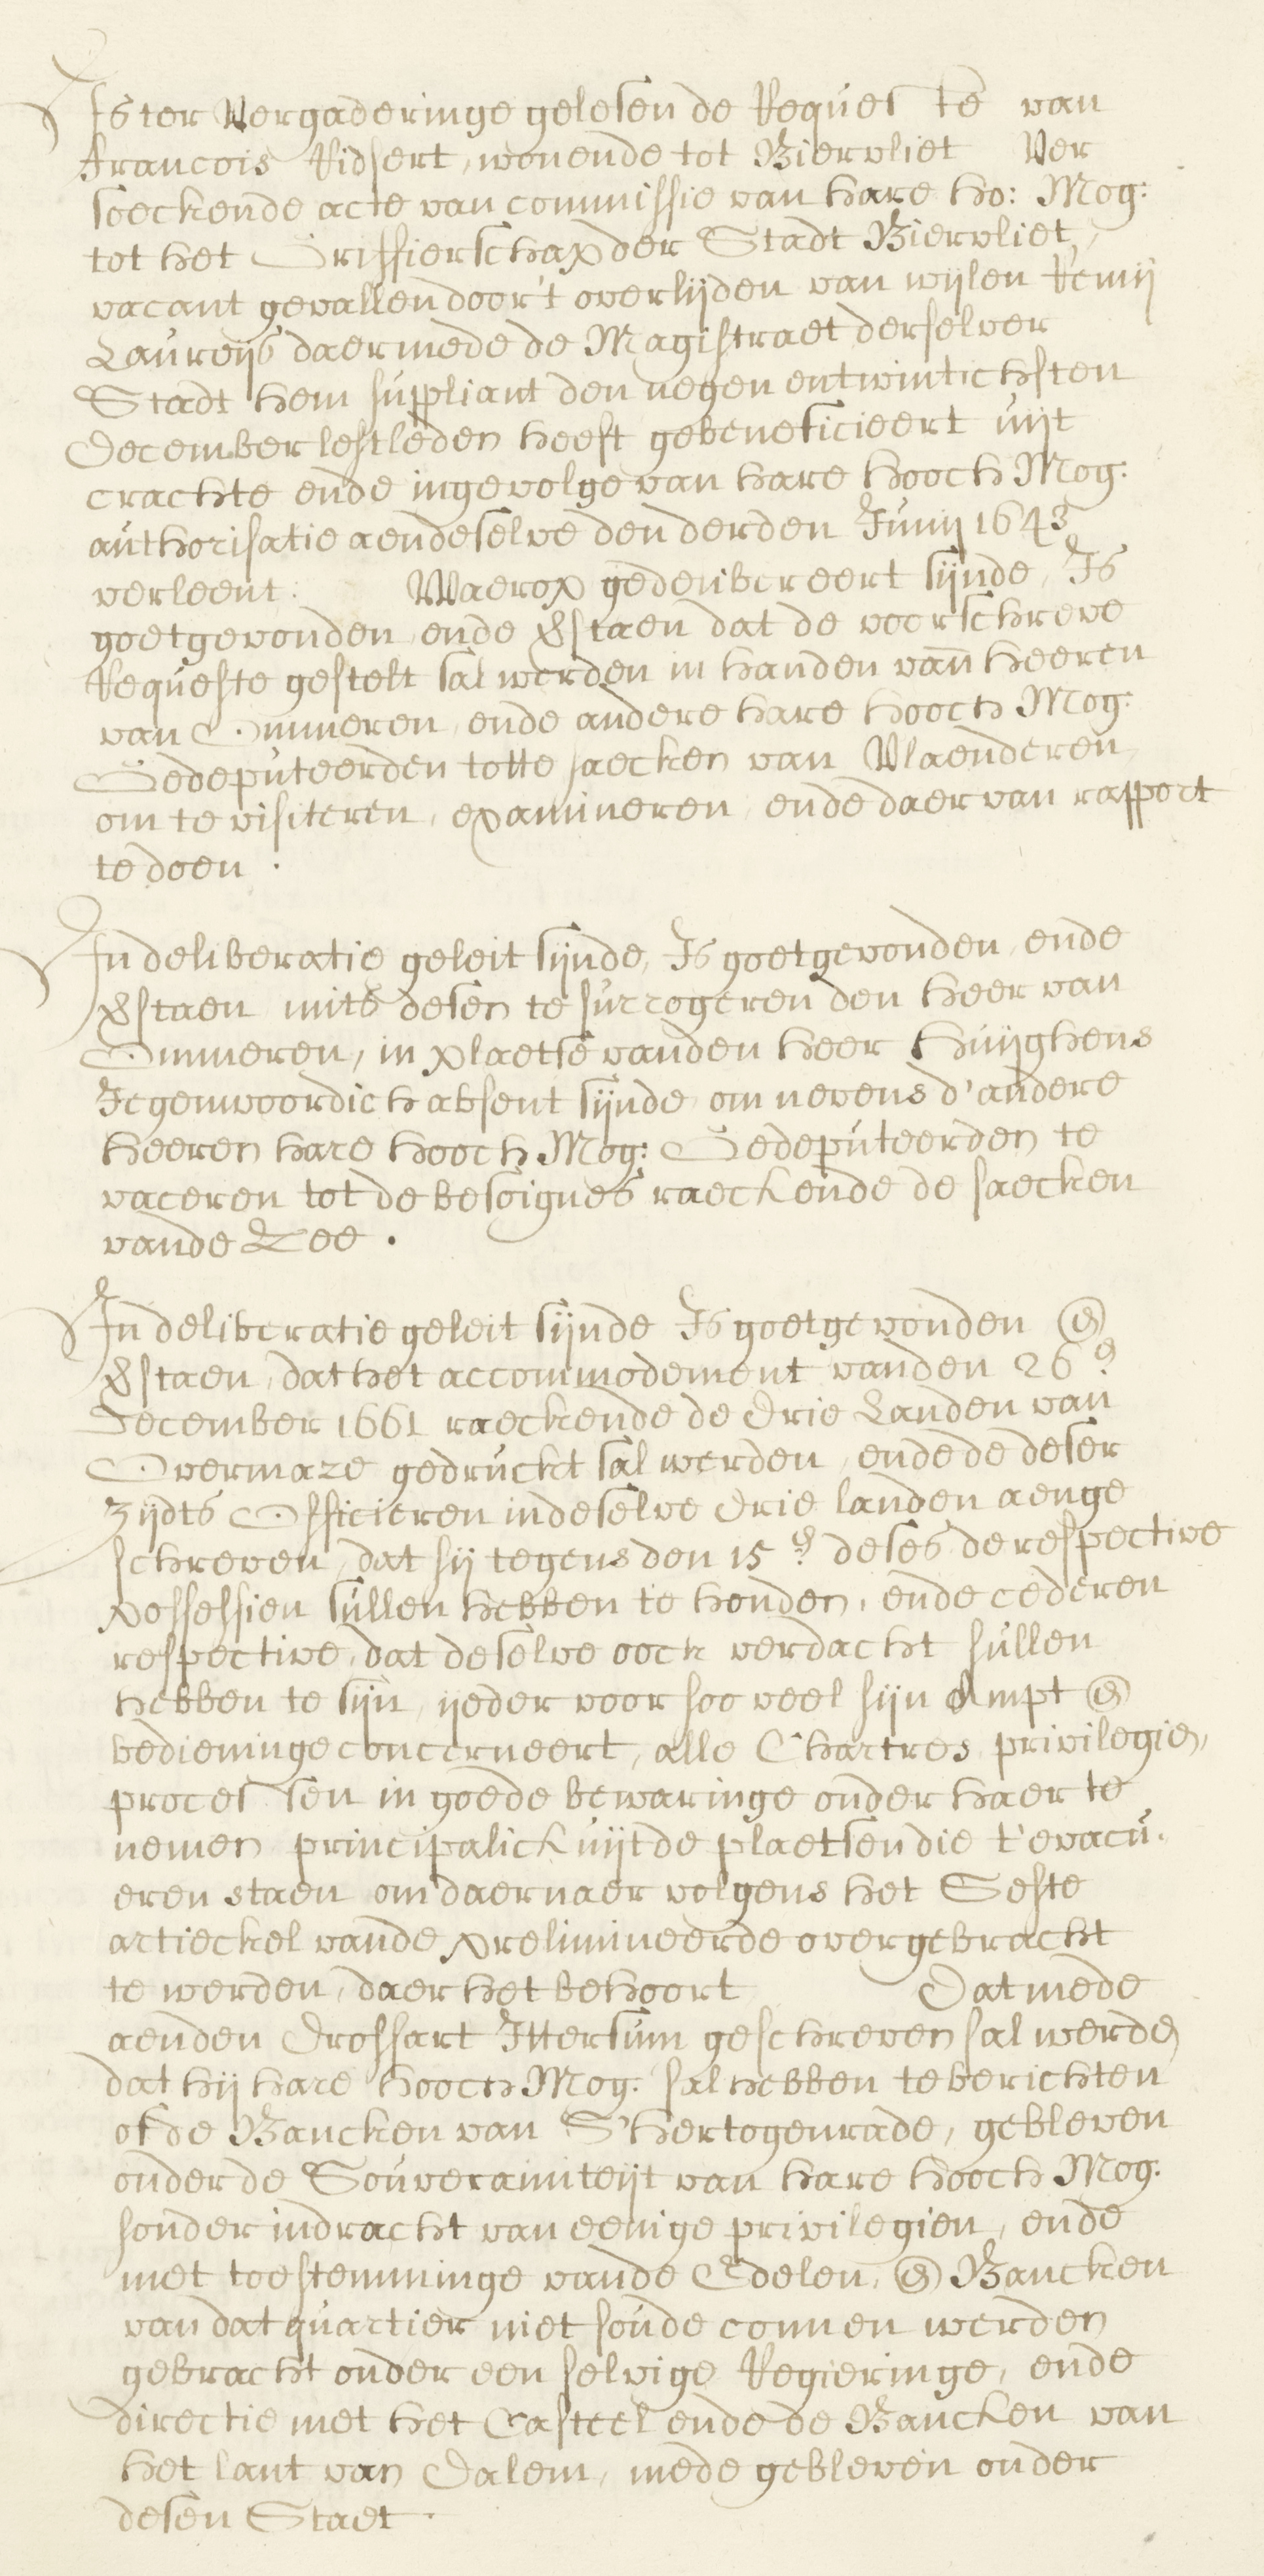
Is ter vergaderinge gelesen de Requeste van
francois Ridsert, wonende tot Biervliet Ver
soeckende acte van commissie van hare Ho:Mog:
tot het Griffierschap der Stadt Biervliet,
vacant gevallen door 't overlijden van wijlen Remij
Laureijs daermede de Magistraet derselver
Stadt hem suppliant den negen entwintichsten
December lestleden heeft gebeneficieert uijt
crachte ende ingevolge van hare Hooch Mog:
authorisatie aendeselve den derden Junij 1643
verleent: Waerop gedelibereert sijnde, Is
goetgevonden ende vstaen dat de voorschreve
Requeste gestelt sal werden in handen van Heeren
van Ommeren, ende andere hare Hooch Mog:
Gedeputeerden totte saecken van Vlaenderen
om te visiteren, examineren, ende daervan rapport
te doen.
In deliberatie geleit sijnde, Is goetgevonden, ende
vstaen mits desen te surrogeren den heer van
Ommeren, in plaetse vanden heer Huijghens
Jegenwoordich absent sijnde, om nevens d'andere
heeren hare hooch Mog: Gedeputeerden te
vaceren tot de besoignes raeckende de saecken
vande Zee.
In deliberatie geleit sijnde Is goetgevonden &
vstaen, dat het accommodement vanden 26e.
December 1661 raeckende de Drie Landen van
Overmaze gedruckt sal werden, ende de deser
zijdts Officieren in deselve Drie landen aenge
schreven, dat sij tegens den 15e. deses de respective
possessien sullen hebben te houden, ende cederen
respective, dat deselve oock verdacht sullen
hebben te sijn, ijeder voor soo veel sijn Ampt &
bedieninge concerneert, alle Chartres, privilegien,
processen in goede bewaringe onder haer te
nemen, principalick uijt de plaetsen die t'evacu„
eren staen om daernaer volgens het Seste
artieckel vande prelimineerde overgebracht
te werden, daer het behoort. Datmede
aenden Drossart Ittersum geschreven sal werden
dat hij hare hooch Mog: sal hebben te berichten
of de Bancken van S'Hertogenrade, gebleven
onder de Souverainiteijt van hare hooch Mog:
sonder indracht van eenige privilegien, ende
met toestemminge vande Edelen, & Bancken
van dat quartier niet soude connen werden
gebracht onder een selvige Regieringe, ende
directie met het Casteel ende de Bancken van
het lant van Dalem, mede gebleven onder
desen Staet
